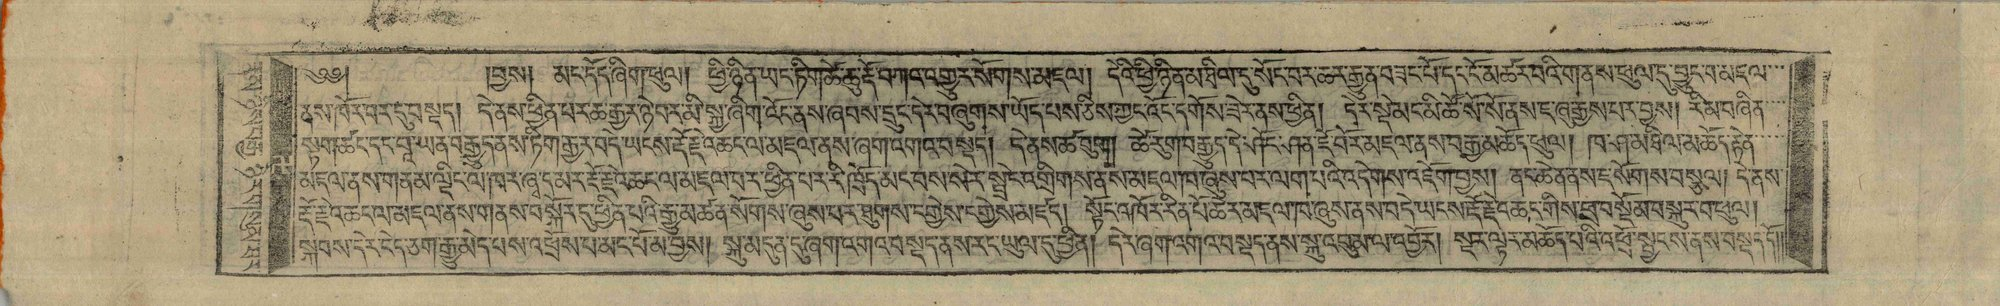༄༅། །བྱས། མང་དོད་ཞིག་ཕུལ། ཕྱི་ཉིན་ཡང་ཏིག་ཚེ་ཆུ་རྡོ་བཀའ་འགྱུར་སོགས་མཇལ། དེའི་ཕྱི་ཉིན་མཐིལ་དུ་སོང་བར་ཆར་རྒྱུན་བཟང་པོ་དང་ངོ་མཚར་བའི་གནས་ཕུལ་དུ་བྱུང་བ་མཇལ་
ནས་ཁོར་བར་དུ་བསྡད། དེ་ནས་ཕྱིན་པར་ཆ་རྒྱར་ཉེ་བར་མི་སྐྱ་ཞིག་འོང་ནས་ཞབས་དྲུང་དེར་བཞུགས་ཡོད་པས་ཅིས་ཀྱང་འོང་དགོས་ཟེར་ནས་ཕྱིན། དེར་སྡེ་མང་མི་ཚོ་སོ་སོ་ནས་ཇ་ཞུ་རྒྱས་པར་བྱས། རིམ་བཞིན་
སྟག་ཚང་དང་པཱ་ཡན་བརྒྱུད་ནས་ཏིག་རྒྱར་བདེ་ཡངས་རྡོ་རྗེ་འཆང་ལ་མཇལ་ནས་ཞག་འགའ་བསྡད། དེ་ནས་ཚ་བུག །ཚེ་རུག་བརྒྱུད་དེ་ཤོང་ཤན་ཇོ་བོར་མཇལ་ནས་བརྒྱ་མཆོད་ཕུལ། ཁ་ཤ་མཐིལ་མཆོད་རྟེན་
མཇལ་ནས་གནམ་ལྡིང་ལ་ཁར་ཞྭ་དམར་རྡོ་རྗེ་འཆང་ལ་མཇལ་བར་ཕྱིན་པར་རི་ཁྲོད་མང་བས་སེར་སྦྲེང་འགྲིགས་ནས་མཇལ་ཁ་ཞུས་པར་ལག་པའི་འདེགས་འཇོག་བྱས། ནང་ཆེན་ནས་ཇ་སོགས་བསྩལ། དེ་ནས་
རྡོ་རྗེ་འཆང་ལ་མཇལ་ནས་གནས་བསྐོར་དུ་ཕྱིན་པའི་རྒྱུ་མཚན་སོགས་ཞུས་པར་ཐུགས་དགྱེས་དགྱེས་མཛད། སྟོང་འཁོར་རིན་པོ་ཆེར་མཇལ་ཁ་ཞུས་ནས་བདེ་ཡངས་རྡོ་རྗེ་འཆང་གིས་ཕྲ་བསྡོམ་བསྐུར་བ་ཕུལ།
སྐབས་དེར་ངེད་ཅག་རྒྱུ་མེད་པས་འཕྲོས་པ་མང་པོ་མ་བྱས། སྐུ་མདུན་དུ་ཞག་འགའ་བསྡད་ནས་རང་ཡུལ་དུ་ཕྱིན། དེར་ཞག་འགའ་བསྡད་ནས་སྐུ་འབུམ་ལ་འབྱོར། སྔར་ལྟར་མཆོད་པའི་འཕྲོ་སྦྱངས་ནས་བསྡད་དོ།།